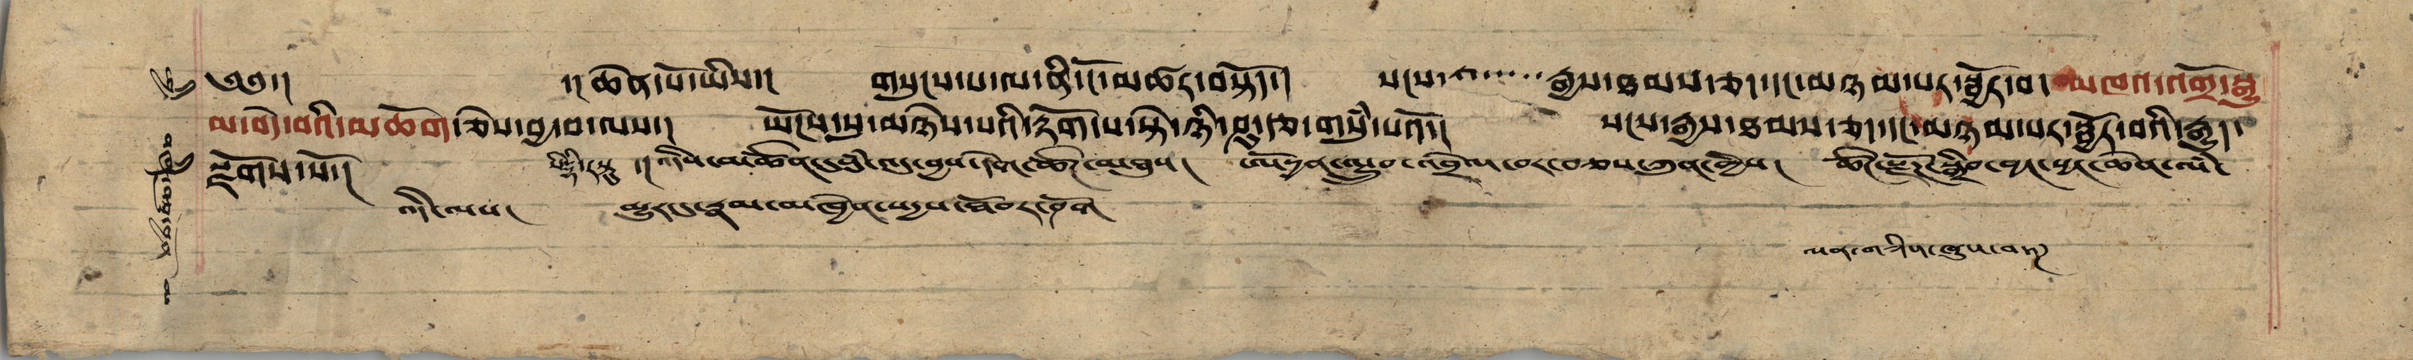༄༅་། ་།ཆེན་པ་ཡིས་། གསུངས་པ་ལ་ནི་ངོ་མཚར་བསྟོད་། སངས་་་་་་་་རྒྱས་ཐམས་ཅད་དང་མཉམ་པར་སྦྱོར་བ་མཁའ་འགྲོ་སྒྱུ་
མ་བདེ་བའི་མཆོག་ཅེས་བྱ་བ་ལས་། ཡོངས་སུ་མཉེས་པའི་རྟོག་པ་སྟེ་ཉི་ཤུ་རྩ་གསུཾ་པའོ་། སངས་རྒྱས་ཐམས་ཅད་དང་མཉམ་པར་སྦྱོར་བའི་རྒྱུ་
སྫོགས་སོ་། སིདྡྷི་རསྟུ ་།འདིས་མཚོན་དུསུཾ་འདུ་བྱས་དགེ་ཚོཌ་མཐུས། ཨོདྱན་ལྷྲུབ་འབྲེལ་བར་བཅས་ཀུན་གྱིས། ཚོཌ་སྫོཌ་སྒྲིབ་བྱང་བྱང་ཆེན་ལཾ་
འདི་ལས་། མྱུར་དུ་རྣམ་མཁྱེན་སདྱས་ཐོབར་ཤོག